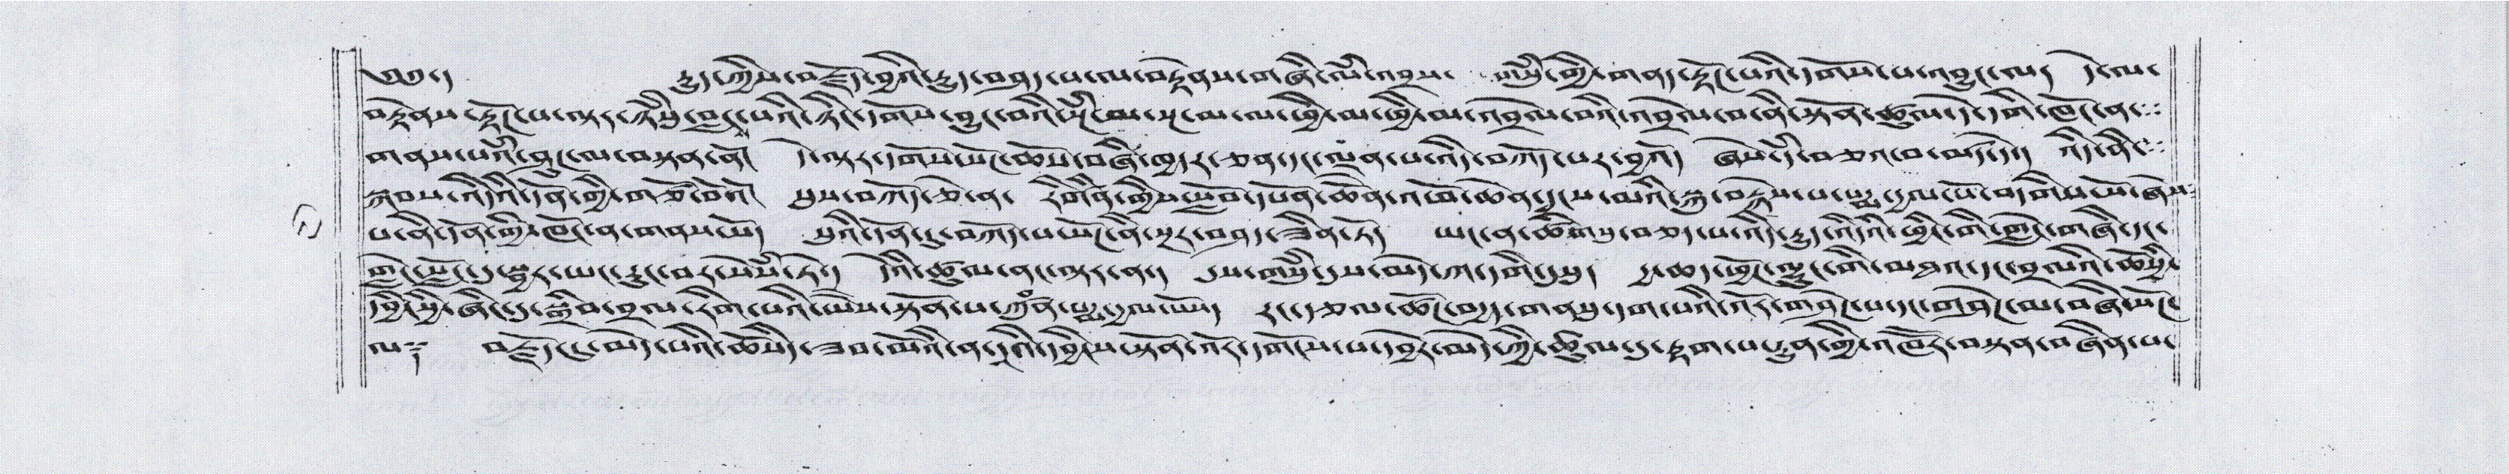རྒྱུད་ཀྱིས་བརྗོད་བྱའི་རྒྱུད་བཤད་པ་ལ་བརྟེན་ནས་གཞི་ལམ་འབྲས་གསུམ་གྱི་གནད་རྟོགས་པའི་དགོས་པ་འབྱུང་ལ། དེ་ལ་
བརྟེན་ནས་རྟོགས་པ་ལྟར་ཉམས་སུ་བླང་བའི་ཉིང་དགོས་བྱུང་བའི་སྔ་མ་སྔ་མ་ལ་ཕྱི་མ་ཕྱི་མ་འབྲེལ་བའི་འབྲེལ་བ་ནི་སྟོན་ཚུལ་དེ་དག་གི་ཁོངས་ན་
གནས་པའམ་ཤུགས་ལ་བསྟན་ནོ། དེ་ལྟར་དགོས་སོགས་ཆོས་བཞི་ཁྱད་པར་ཅན་དང་ལྡན་པ་འདི་བཀོད་པར་བྱའོ། ཞེས་དམ་བཅའ་བ་མཛད་དེ། འདི་ནི་
སྐབས་འདིའི་དོན་གྱི་གཙོ་བོའོ། སུས་བཀོད་ཅེ་ན། རིག་འཛིན་གྱི་སློབ་དཔོན་ཆེན་པོ་འཕོ་ཆེན་དྭངས་མའི་སྐུ་བརྙེས་པ་པདྨ་རྒྱལ་པོ་བདག་གིས་སོ་ཞེས་
པ་ནི་དོན་གྱི་ཁོང་ན་གནས་སོ། སུའི་དོན་དུ་བཀོད་པ་སོགས་ནི་སྔར་བཤད་ཟིན་ཏོ། ཡང་ན་ཚིགས་སུ་བཅད་པ་འདི་རྒྱུད་འདིའི་ཕྱི་ནང་གི་གླེང་གཞི་དང་
གླེང་སློང་དང་སྦྱར་ན་རུང་བར་སེམས་ཏེ། དེའི་ཚུལ་ནང་ལྟར་ན། དུས་གསུམ་དུས་མེད་ཀ་དག་གི་དུས་སུ། རྒྱ་ཆད་ཕྱོགས་ལྷུང་གི་མཐའ་དང་བྲལ་བའི་ཆོས་ཀྱི་
དབྱིངས་ཀྱི་ཞིང་དུ་སྒྲིབ་བྲལ་རིག་པའི་ཡེ་ཤེས་སྟོན་པ་ཀུན་བཟང་པདྨ་རྒྱལ་པོ། རང་རྩལ་ཚོགས་བརྒྱད་གནས་སུ་དག་པའི་འཁོར་གཤེགས་པ་དང་གཤེགས་མ་བཞི་སོགས་
ལ། བརྗོད་དུ་མེད་པའི་ཆོས་ཉིད་ཟབ་མོའི་ན་དྭའི་དབྱིངས་སྟོན་འཁོར་དགོངས་པ་དབྱེར་མེད་ཀྱི་ཚུལ་དུ་རྟག་པ་རྒྱུན་གྱི་འཁོར་ལོ་བསྟན་བཞིན་པ་